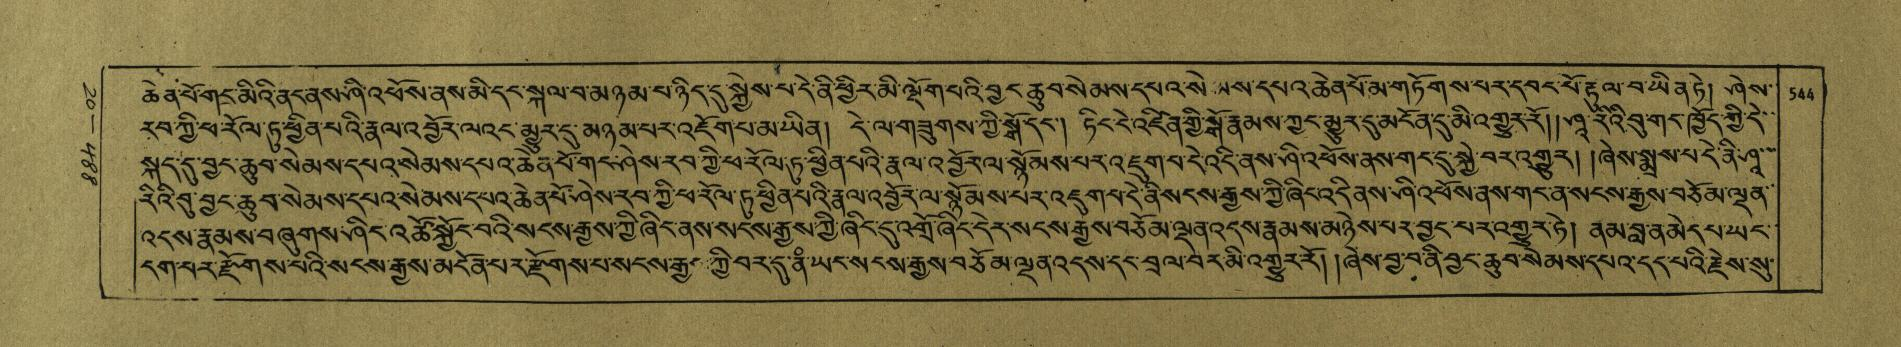ཆེན་པོ་གང་མིའི་ནང་ནས་ཤི་འཕོས་ནས་མི་དང་སྐལ་བ་མཉམ་པ་ཉིད་དུ་སྐྱེས་པ་དེ་ནི་ཕྱིར་མི་ལྡོག་པའི་བྱང་ཆུབ་སེམས་དཔའ་སེམས་དཔའ་ཆེན་པོ་མ་གཏོགས་པར་དབང་པོ་རྟུལ་བ་ཡིན་ཏེ། ཤེས་
རབ་ཀྱི་ཕ་རོལ་ཏུ་ཕྱིན་པའི་རྣལ་འབྱོར་ལའང་མྱུར་དུ་མཉམ་པར་འཇོག་པ་མ་ཡིན། དེ་ལ་གཟུགས་ཀྱི་སྒོ་དང་། ཏིང་ངེ་འཛིན་གྱི་སྒོ་རྣམས་ཀྱང་མྱུར་དུ་མངོན་དུ་མི་འགྱུར་རོ། །ཤཱ་རིའི་བུ་གང་ཁྱོད་ཀྱི་དེ་
སྐད་དུ་བྱང་ཆུབ་སེམས་དཔའ་སེམས་དཔའ་ཆེན་པོ་གང་ཤེས་རབ་ཀྱི་ཕ་རོལ་ཏུ་ཕྱིན་པའི་རྣལ་འབྱོར་ལ་སྙོམས་པར་འཇུག་པ་དེ་འདི་ནས་ཤི་འཕོས་ནས་གང་དུ་སྐྱེ་བར་འགྱུར། །ཞེས་སྨྲས་པ་དེ་ནི་ཤཱ་
རིའི་བུ་བྱང་ཆུབ་སེམས་དཔའ་སེམས་དཔའ་ཆེན་པོ་ཤེས་རབ་ཀྱི་ཕ་རོལ་ཏུ་ཕྱིན་པའི་རྣལ་འབྱོར་ལ་སྙོམས་པར་འཇུག་པ་དེ་ནི་སངས་རྒྱས་ཀྱི་ཞིང་འདི་ནས་ཤི་འཕོས་ནས་གང་ན་སངས་རྒྱས་བཅོམ་ལྡན་
འདས་རྣམས་བཞུགས་ཤིང་འཚོ་སྐྱོང་བའི་སངས་རྒྱས་ཀྱི་ཞིང་ནས་སངས་རྒྱས་ཀྱི་ཞིང་དུ་འགྲོ་ཞིང་དེར་སངས་རྒྱས་བཅོམ་ལྡན་འདས་རྣམས་མཉེས་པར་བྱང་པར་འགྱུར་ཏེ། ནམ་བླ་ན་མེད་པ་ཡང་
དག་པར་རྫོགས་པའི་སངས་རྒྱས་མངོན་པར་རྫོགས་པ་སངས་རྒྱས་ཀྱི་བར་དུ་ནཾ་ཡང་སངས་རྒྱས་བཅོམ་ལྡན་འདས་དང་བྲལ་བར་མི་འགྱུར་རོ། །ཞེས་བྱ་བ་ནི་བྱང་ཆུབ་སེམས་དཔའ་དད་པའི་རྗེས་སུ་